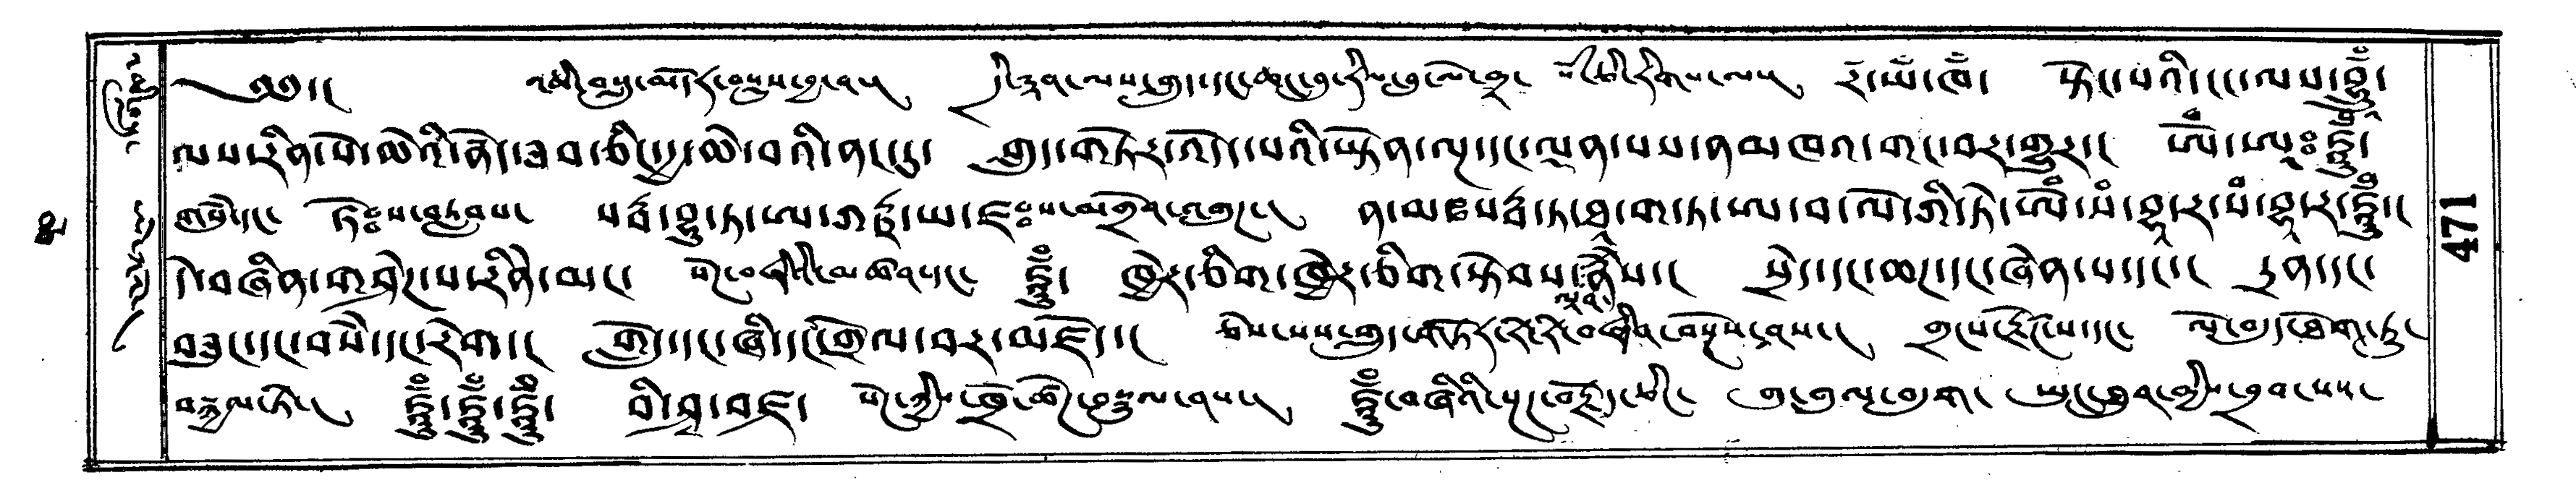༄༅། འཆི་བསླུ་མདོར་བསྡུས་བྱ་ན། དྲི་ཟན་ལས་གླུད་དང་ཆང་བུ་རིལ་བུ་ལོ་གྲངས་སམ་ཅི་རིགས་ལ། རྃ་ཡྃ་ཁྃ། སྟོང་པའི་ངང་ལས་བྷྲཱུྃ་
ལས་རིན་པོ་ཆེའི་སྣོད་ཟབ་ཅིང་རྒྱ་ཆེ་བའི་ནང་དུ། གླུད་གཏོར་འདོད་པའི་ཡོན་ཏན་ལྔ་དང་ལྡན་པས་ནམ་མཁའ་གང་བར་གྱུར། ཨོཾ་ཨཱཿཧཱུྃ། 
གསུམ་དང་། ཧོཿ ས་བརླབས། སརྦ་བྷུ་ཏ་ཨ་ཀརྴ་ཡ་ཛཿ ས་མགྲོན་འགུགས། ན་མཿསརྦ་ཏ་ཐཱ་ག་ཏ་ཨ་བ་ལོ་ཀི་ཏེ་ཨོཾ་སཾ་བྷཱ་ར་སཾ་བྷཱ་ར་ཧཱུྃ།
དེ་བཞིན་གཤེགས་པ་རིན་ཆེན་མང་སོགས་བཞིའི་མཚན་དང་། ཧཱུྃ། ཁྱེར་ཅིག་ཁྱེར་ཅིག་སྟོབས་ལྡན་རྣམས། །སྲེད་དང་ཆགས་དང་ཞེན་པ་དང་། །དྲན་དང་
བཟུང་དང་བསམ་དང་རེག །གློད་དང་ཞི་དང་གྲོལ་བར་མཛོད། ཅེས་པས་གླུད་གཏོར་རེ་རེ་བཞིན་བསྔོས་ནས། གྲངས་རྫོགས་པ་དང་། ལོ་བདུད་ཐོག་ཏུ་
བསྐྱལ་ཏེ། ཧཱུྃ་ཧཱུྃ་ཧཱུྃ། བི་ཤྭ་བཛྲ་སོགས་ཀྱིས་ཁྲོ་ཚོགས་བསྐུལ་ནས། ཧཱུྃ་བཞིའི་སྔགས་བརྗོད་ཅིང་གུ་གུལ་བདུག ཡུངས་ཐུན་གྱིས་བྲབས་པས་